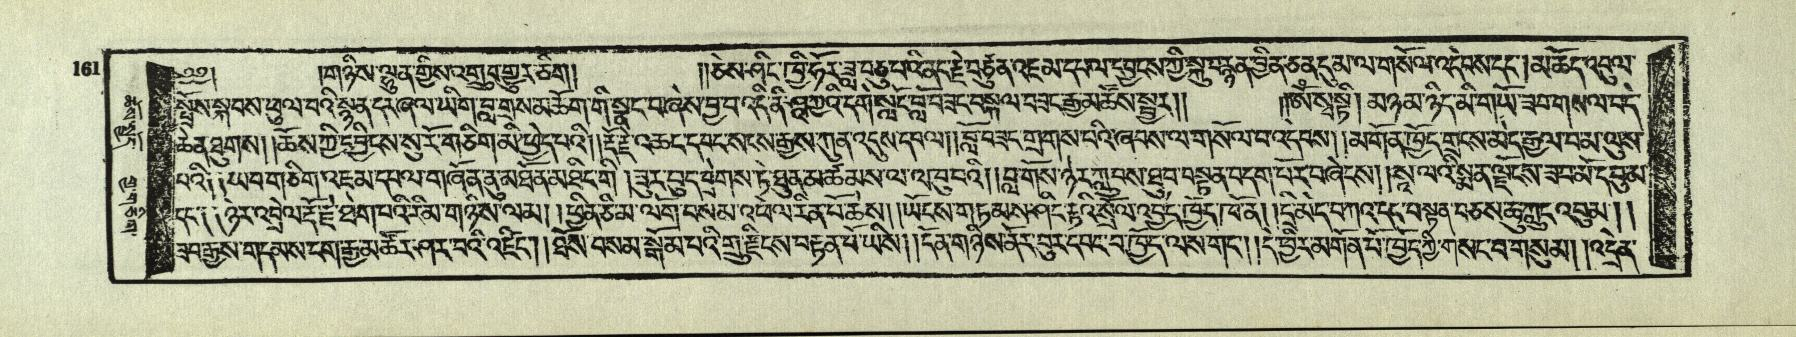༄༅། །གཉིས་ལྷུན་གྱིས་འགྲུབ་གྱུར་ཅིག། །།ཅེས་ཤིང་ཁྱི་ཧོར་ཟླ་བཅུ་པའི་ནང་རྗེ་བཙུན་འཇམ་དཔལ་དབྱངས་ཀྱི་སྐུ་བརྙན་བྱིན་ཅན་དུ་མ་ལ་གསོལ་འདེབས་དང་། མཆོད་འབུལ་
སྤྲོས་སྐབས་ཕུལ་བའི་སྙན་དར་ཞལ་ཡིག་བླ་གྲས་མཆོག་གི་སྣང་བ་ཞེས་བྱ་བ་འདི་ནི་ཤཱཀྱའི་དགེ་སློང་བློ་བཟང་བསྐལ་བཟང་རྒྱ་མཚོས་སྦྱར།། །།ཨོཾ་སྭ་སྟི། མཉམ་ཉིད་མི་གཡོ་ཟབ་གསལ་བདེ་
ཆེན་ཐུགས། །ཆོས་ཀྱི་དབྱིངས་སུ་རོ་གཅིག་མི་ཕྱེད་པའི། །རྡོ་རྗེ་འཆང་དབང་སངས་རྒྱས་ཀུན་འདུས་དཔལ། །བློ་བཟང་གྲགས་པའི་ཞབས་ལ་གསོལ་བ་འདེབས། །མགོན་ཁྱོད་གྲངས་མེད་རྒྱལ་བ་མ་ལུས་
པའི༑ ༑ཡབ་གཅིག་འཇམ་དཔལ་གཞོན་ནུ་མཐོན་མཐིང་གི །ཟུར་བུད་བྲེགས་ཏེ་ཐུན་མཚམས་ལ་འཁུ་བའི། །བླ་གོས་ཉེར་ཀླུབས་ཐུབ་བསྟན་བདག་པོར་བཞེངས། །སཱ་ལའི་སྨན་ལྗོངས་ཟབ་མོ་དབུ་མ་
དང༑ ༑ཉེར་འབྲེལ་རྡོ་རྗེ་ཐེག་པའི་རིམ་གཉིས་ལམ། །ཕྱིན་ཅི་མ་ལོག་བསམ་འཕེལ་རིན་པོ་ཆེས། །ཡོངས་གཏམས་ཤིང་རྟའི་སྲོལ་འབྱེད་ཁྱོད་ཁོ་ན། །དྲི་མེད་བཀའ་དང་བསྟན་བཅས་ཆུ་ཀླུང་འབུམ།།
ཟབ་རྒྱས་གདམས་ངག་རྒྱ་མཚོར་ཤར་བའི་འཛིང་། །ཐོས་བསམ་སྒོམ་པའི་གྲུ་རྫིངས་བརྟན་པོ་ཡིས། །དོན་གཉིས་ནོར་བུར་དབང་བ་ཁྱོད་ལས་གང་། །དེ་ཕྱིར་མགོན་པོ་ཁྱོད་ཀྱི་གསང་བ་གསུམ། །འདྲེན་